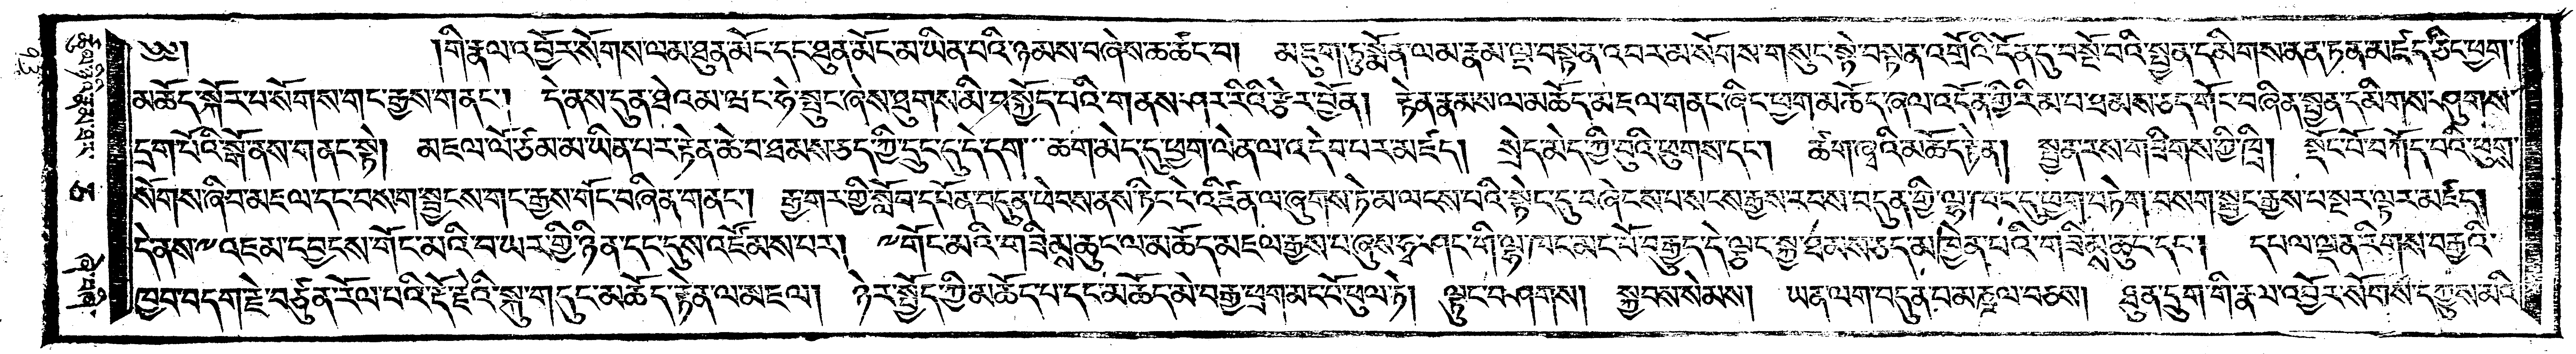༄༅། །གི་རྣལ་འབྱོར་སོགས་ལམ་ཐུན་མོང་དང་ཐུན་མོང་མ་ཡིན་པའི་ཉམས་བཞེས་ཆ་ཚང་བ། མཇུག་ཏུ་སྨོན་ལམ་རྣམ་ལྔ་བསྟན་འབར་མ་སོགས་གསུང་སྟེ་བསྟན་འགྲོའི་དོན་དུ་བསྔོ་བའི་སྤྱན་དམིགས་ནན་ཏན་མཛད་ཅིང་ཕྱག་
མཆོད་སྐོར་པ་སོགས་གང་རྒྱས་གནང་། དེ་ནས་དུན་ཐེའམ་ཝང་ཧེ་སྤུང་ཞེས་ཐུགས་མི་བསྐྱོད་པའི་གནས་ཤར་རིའི་རྩེར་བྱོན། རྟེན་རྣམས་ལ་མཆོད་མཇལ་གནང་ཞིབ་ཕྱག་མཆོད་ཞལ་འདོན་གྱི་རིམ་པ་ཐམས་ཅད་གོང་བཞིན་སྤྱན་དམིགས་ཤུགས་
དྲག་པོའི་སྒོ་ནས་གནང་སྟེ། མཇལ་ལོ་ཙམ་མ་ཡིན་པར་རྟེན་ཆེ་བ་ཐམས་ཅད་ཀྱི་དྲུང་དུ་དེ་དག་ཆག་མེད་དུ་ཕྱག་ལེན་ལ་འདེབས་པར་མཛད། སྲེད་མེད་ཀྱི་བུའི་ཕུགས་དང་། ཚག་ཞྭའི་མཆོད་རྟེན། སྤྱན་རས་གཟིགས་ཀྱི་ཁྲི། སྡོང་བོ་བཀོད་པའི་ཕུགས་
སོགས་ཞིབ་མཇལ་དང་བསག་སྦྱངས་གང་རྒྱས་གོང་བཞིན་གནང་། རྒྱ་གར་གྱི་སློབ་དཔོན་བདུན་ཕེབས་ནས་ཏིང་ངེ་འཛིན་ལ་ཞུགས་ཏེ་མ་ལྔས་པའི་སྟེང་དུ་བཞེངས་པ་སངས་རྒྱས་རབས་བདུན་གྱི་ལྷ་ཁང་དུ་ཕྱག་བཏེག་བསག་སྦྱང་རྒྱས་པ་སྔར་ལྟར་མཛད།
དེ་ནས ༧འཇམ་དབྱངས་གོང་མའི་བ་ཡར་གྱི་ཉིན་དང་དུས་འཛོམས་པར། ༧གོང་མའི་གཟིམ་ཆུང་ལ་མཆོད་མཇལ་རྒྱལ་པ་ཞུས་ཧྭ་ཤང་གི་ལྷ་ཁང་མང་པོ་བརྒྱུད་དེ་ལྕང་སྐྱ་ཐམས་ཅད་མཁྱེན་པའི་གཟིམ་ཆུང་དང་། དཔལ་ལྡན་རིགས་བརྒྱའི་
ཁྱབ་བདག་རྗེ་བཙུན་རོལ་པའི་རྡོ་རྗེའི་སྐུ་གདུང་མཆོད་རྟེན་ལ་མཇལ། ཉེར་སྤྱོད་ཀྱི་མཆོད་པ་དང་མཆོད་མེ་བརྒྱ་ཕྲག་མང་པོ་ཕུལ་ཏེ། ལྟུང་བཤགས། སྐྱབས་སེམས། ཡན་ལག་བདུན་པ་མཎྜལ་བཅས། ཐུན་དྲུག་གི་རྣལ་འབྱོར་སོགས་དཀྱུས་མའི་